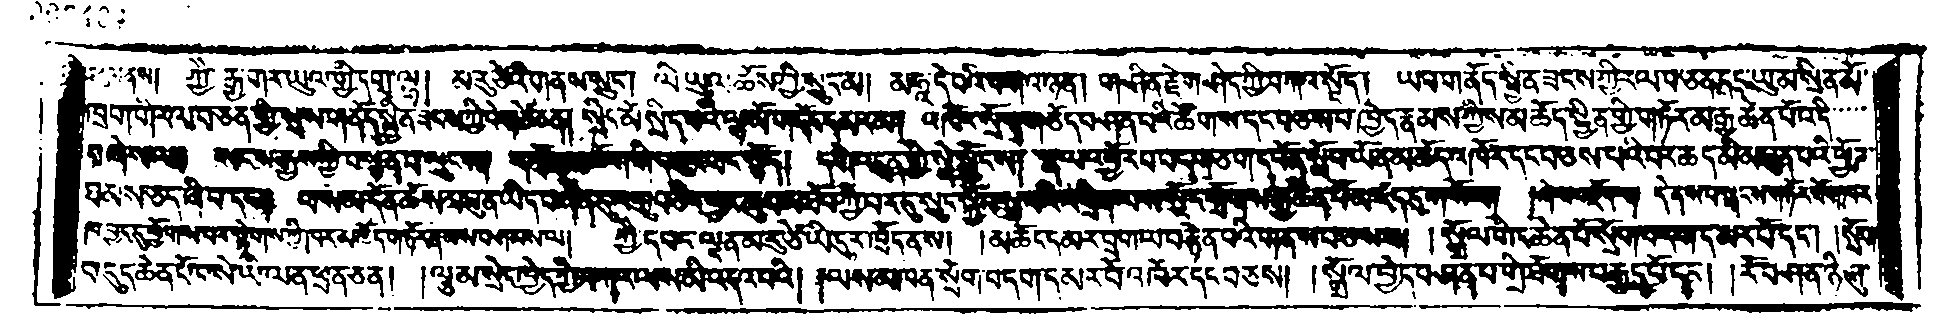ཕུལ་ནས། ཀྱཻ་རྒྱ་གར་ཡུལ་གྱི་དགྲ་ལྷ། མ་རུ་ཙེའི་གནས་སྲུང་། ལི་ཡུལ་ཆོས་ཀྱི་སྲུང་མ། མཧཱ་དེ་བའི་བཀའ་ཉན། གཤིན་རྗེ་གཤེད་ཀྱི་བཀའ་སྡོད། ཡབ་གནོད་སྦྱིན་ཟངས་ཀྱི་རལ་བ་ཅན་དང་ཡུམ་སྲིན་མོ་
ཁྲག་གི་རལ་བ་ཅན་གྱི་སྲས་གནོད་སྦྱིན་ཟངས་ཀྱི་བེག་ཙེ་ཅན། སྲིང་མོ་སྲིད་པའི་ལྷ་མོ་གདོང་དམར་མ། འཁོར་སྲོག་གཅོད་བཤན་པའི་ཚོགས་དང་བཅས་པ་ཁྱེད་རྣམས་ཀྱིས་མཆོད་སྦྱིན་གྱི་གཏོར་མ་རྒྱ་ཆེན་པོ་འདི་
བཞེས་ལ། སངས་རྒྱས་ཀྱི་བསྟན་པ་སྲུངས། དཀོན་མཆོག་གི་དབུ་འཕང་སྟོད། དགེ་འདུན་གྱི་སྡེ་སྐྱོངས། རྣལ་འབྱོར་བ་བདག་ཅག་དཔོན་སློབ་ཡོན་མཆོད་འཁོར་དང་བཅས་པའི་བར་ཆད་མི་མཐུན་པའི་ཕྱོགས་
ཐམས་ཅད་ཞི་བ་དང་། བསམ་དོན་ཆོས་མཐུན་ཡིད་བཞིན་དུ་འགྲུབ་ཅིང་བྱང་ཆུབ་མཐོབ་ཀྱི་བར་དུ་སྲུང་སྐྱོབ་སྦ་བའི་འཕྲིན་ལས་སྡོང་གྲོགས་རྒྱ་ཆེན་པོ་མཛད་དུ་གསོལ། །ཞེས་བརྗོད་ལ། དེ་ནས་བསྐངས་གཏོར་ཐོག་ཁར་
ཁ་བྱང་དུ་ཕྱོགས་པར་སྟེགས་ཀྱི་ཁར་མཆོད་གཏོར་རྣམས་བཤམས་ལ། ཀྱཻ་དབང་ལྡན་མ་རུ་ཙེ་ཡི་དུར་ཁྲོད་ནས། །མཆོད་དམར་བྲག་ལ་བརྟེན་པའི་གནས་བཅས་བ། །སྒྲོལ་གིང་ཆེན་པོ་སྲོག་བདག་དམར་པོ་དང་། །སྲོག་
བདུད་ཆེན་པོ་བསེ་ཡི་ལན་ཕྲན་ཅན། །ལྕམ་སྲེང་ཁྱེད་ཀྱི་བཀའ་ལས་མི་འདའ་བའི། །ལས་མཁན་སྲོག་བདག་དམར་པོ་འཁོར་དང་བཅས། །སྒྲོལ་བྱེད་བཤན་པ་གྲི་ཐོགས་བརྒྱད་པོ་དང་། །རོ་བཤན་ཉི་ཤུ་